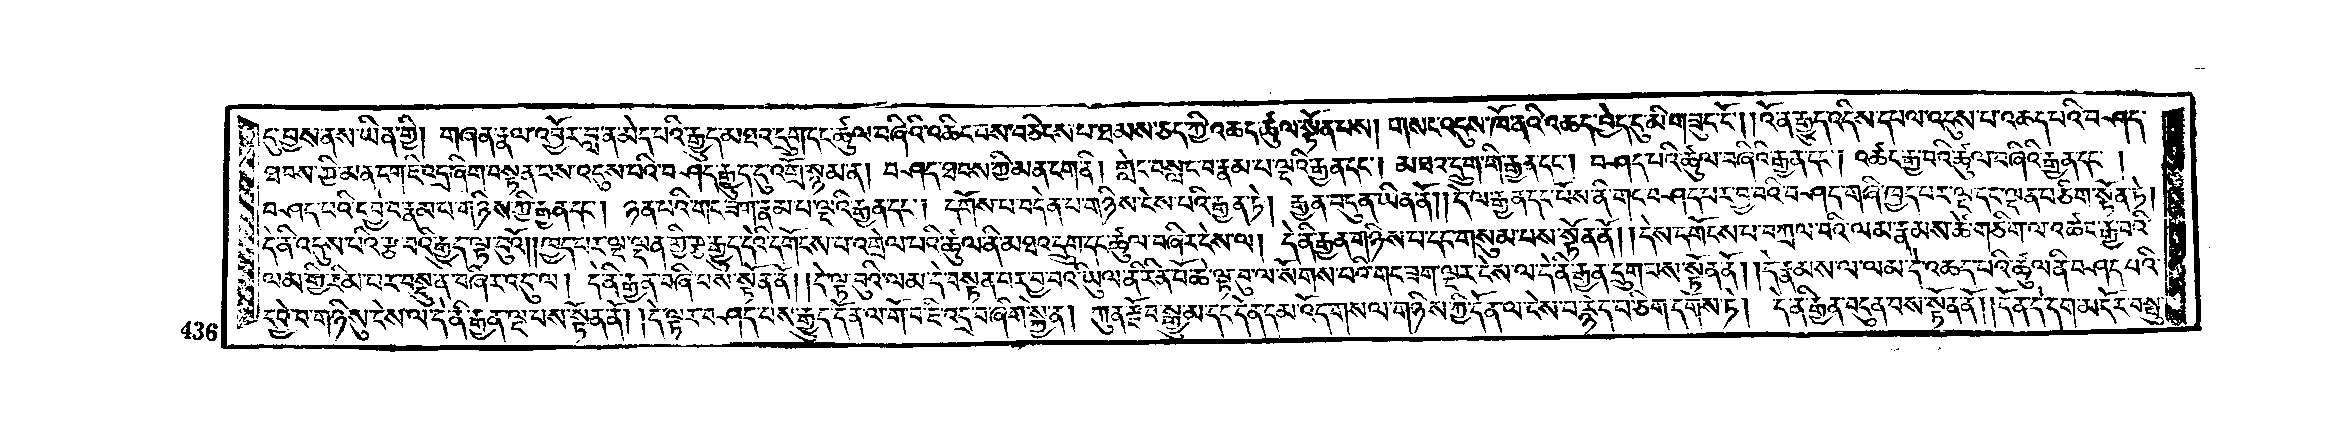དུ་བྱས་ནས་ཡིན་གྱི། གཞན་རྣལ་འབྱོར་བླ་ན་མེད་པའི་རྒྱུད་མཐའ་དྲུག་དང་ཚུལ་བཞིའི་འཆིང་བས་བཅིངས་པ་ཐམས་ཅད་ཀྱི་འཆད་ཚུལ་སྟོན་པས། གསང་འདུས་ཁོ་ནའི་འཆད་བྱེད་དུ་མི་གཟུང་ངོ། །འོ་ན་རྒྱུད་འདིས་དཔལ་འདུས་པ་འཆད་པའི་བཤད་
ཐབས་ཀྱི་མན་ངག་ཇི་འདྲ་ཞིག་བསྟན་པས་འདུས་པའི་བཤད་རྒྱུད་དུ་འགྲོ་སྙམ་ན། བཤད་ཐབས་ཀྱི་མན་ངག་ནི། གླེང་བསླང་བ་རྣམ་པ་ལྔའི་རྒྱན་དང་། མཐའ་དྲུག་གི་རྒྱན་དང་། བཤད་པའི་ཚུལ་བཞིའི་རྒྱན་དང་། འཚང་རྒྱ་བའི་ཚུལ་བཞིའི་རྒྱན་དང་།
བཤད་པའི་དབྱེ་བ་རྣམ་པ་གཉིས་ཀྱི་རྒྱན་དང་། ཉན་པའི་གང་ཟག་རྣམ་པ་ལྔའི་རྒྱན་དང་། དགོས་པ་བདེན་པ་གཉིས་ངེས་པའི་རྒྱན་ཏེ། རྒྱན་བདུན་ཡིན་ནོ། །དེ་ལ་རྒྱན་དང་པོས་ནི་གང་བཤད་པར་བྱ་བའི་བཤད་གཞི་ཁྱད་པར་ལྔ་དང་ལྡན་པ་ཅིག་སྟོན་ཏེ།
དེ་ནི་འདུས་པའི་རྩ་བའི་རྒྱུད་ལྟ་བུའོ། །ཁྱད་པར་ལྔ་ལྡན་གྱི་རྩ་རྒྱུད་དེའི་དགོངས་པ་འགྲེལ་པའི་ཚུལ་ནི་མཐའ་དྲུག་དང་ཚུལ་བཞིར་ངེས་ལ། དེ་ནི་རྒྱན་གཉིས་པ་དང་གསུམ་པས་སྟོན་ནོ། །དེས་དགོངས་པ་བཀྲལ་བའི་ལམ་རྣམས་ཚེ་གཅིག་ལ་འཚང་རྒྱ་བའི་
ལམ་གྱི་རིམ་པར་བསྡུ་ན་བཞིར་འདུ་ལ། དེ་ནི་རྒྱན་བཞི་པས་སྟོན་ནོ། །དེ་ལྟ་བུའི་ལམ་དེ་བསྟན་པར་བྱ་བའི་ཡུལ་ནི་རིན་པོ་ཆེ་ལྟ་བུ་ལ་སོགས་པའི་གང་ཟག་ལྔར་ངེས་ལ་དེ་ནི་རྒྱན་དྲུག་པས་སྟོན་ནོ། །དེ་རྣམས་ལ་ལམ་དེ་འཆད་པའི་ཚུལ་ནི་བཤད་པའི་
དབྱེ་བ་གཉིས་སུ་ངེས་ལ་དེ་ནི་རྒྱན་ལྔ་པས་སྟོན་ནོ། །དེ་ལྟར་བཤད་པས་རྒྱུད་དོན་ལ་གོ་བ་ཇི་འདྲ་བ་ཞིག་སྐྱེ་ན། ཀུན་རྫོབ་སྒྱུ་མ་དང་དོན་དམ་འོད་གསལ་གཉིས་ཀྱི་དོན་ལ་ངེས་པ་རྙེད་པ་ཅིག་དགོས་ཏེ། དེ་ནི་རྒྱན་བདུན་པས་སྟོན་ནོ། །དོན་དེ་དག་མདོར་བསྡུ་